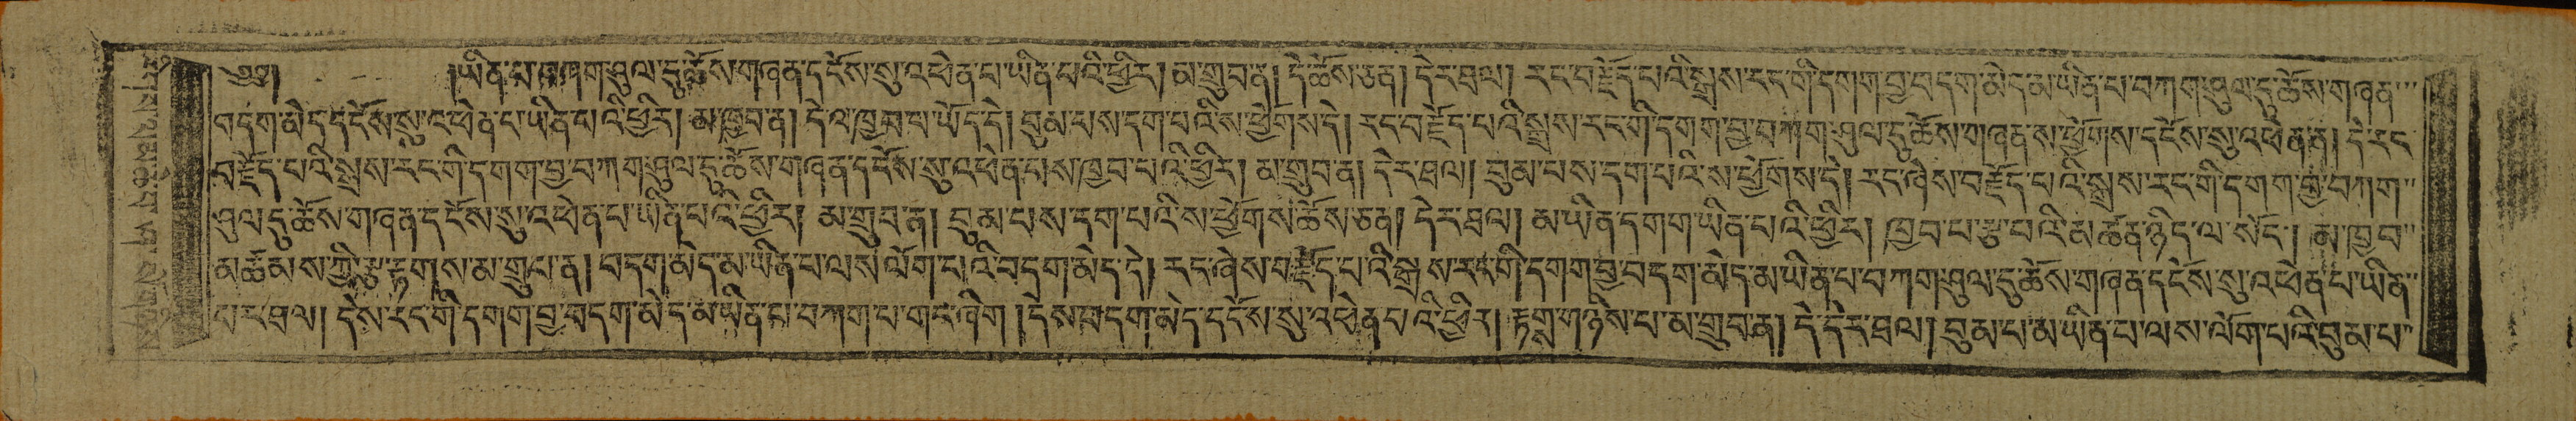༄༅། །ཡིན་པ་བཀག་ཤུལ་དུ་ཆོས་གཞན་དངོས་སུ་འཕེན་པ་ཡིན་པའི་ཕྱིར། མ་གྲུབ་ན། དེ་ཆོས་ཅན། དེར་ཐལ། རང་བརྗོད་པའི་སྒྲས་རང་གི་དགག་བྱ་བདག་མེད་མ་ཡིན་པ་བཀག་ཤུལ་དུ་ཆོས་གཞན་
བདག་མེད་དངོས་སུ་འཕེན་པ་ཡིན་པའི་ཕྱིར། མ་ཁྱབ་ན། དེ་ལ་ཁྱབ་པ་ཡོད་དེ། བུམ་པས་དག་པའི་ས་ཕྱོགས་དེ། རང་བརྗོད་པའི་སྒྲས་རང་གི་དགག་བྱ་བཀག་ཤུལ་དུ་ཆོས་གཞན་ས་ཕྱོགས་དངོས་སུ་འཕེན་ན། དེ་རང་
བརྗོད་པའི་སྒྲས་རང་གི་དགག་བྱ་བཀག་ཤུལ་ཏུ་ཆོས་གཞན་དངོས་སུ་འཕེན་པས་ཁྱབ་པའི་ཕྱིར། མ་གྲུབ་ན། དེར་ཐལ། བུམ་པས་དག་པའི་ས་ཕྱོགས་དེ། རང་ཞེས་བརྗོད་པའི་སྒྲས་རང་གི་དགག་བྱ་བཀག་
ཤུལ་དུ་ཆོས་གཞན་དངོས་སུ་འཕེན་པ་ཡིན་པའི་ཕྱིར། མ་གྲུབ་ན། བུམ་པས་དག་པའི་ས་ཕྱོགས་ཆོས་ཅན། དེར་ཐལ། མ་ཡིན་དགག་ཡིན་པའི་ཕྱིར། ཁྱབ་པ་རྩ་བའི་མཚན་ཉིད་ལ་སོང་། མ་ཁྱབ་
མཚམས་ཀྱི་རྩ་རྟགས་མ་གྲུབ་ན། བདག་མེད་མ་ཡིན་པ་ལས་ལོག་པའི་བདག་མེད་དེ། རང་ཞེས་བརྗོད་པའི་སྒྲས་རང་གི་དགག་བྱ་བདག་མེད་མ་ཡིན་པ་བཀག་ཤུལ་དུ་ཆོས་གཞན་དངོས་སུ་འཕེན་པ་ཡིན་
པར་ཐལ། དེས་རང་གི་དགག་བྱ་བདག་མེད་མ་ཡིན་པ་བཀག་པ་གང་ཞིག །དེས་བདག་མེད་དངོས་སུ་འཕེན་པའི་ཕྱིར། རྟགས་གཉིས་པ་མ་གྲུབ་ན། དེ་དེར་ཐལ། བུམ་པ་མ་ཡིན་པ་ལས་ལོག་པའི་བུམ་པ་